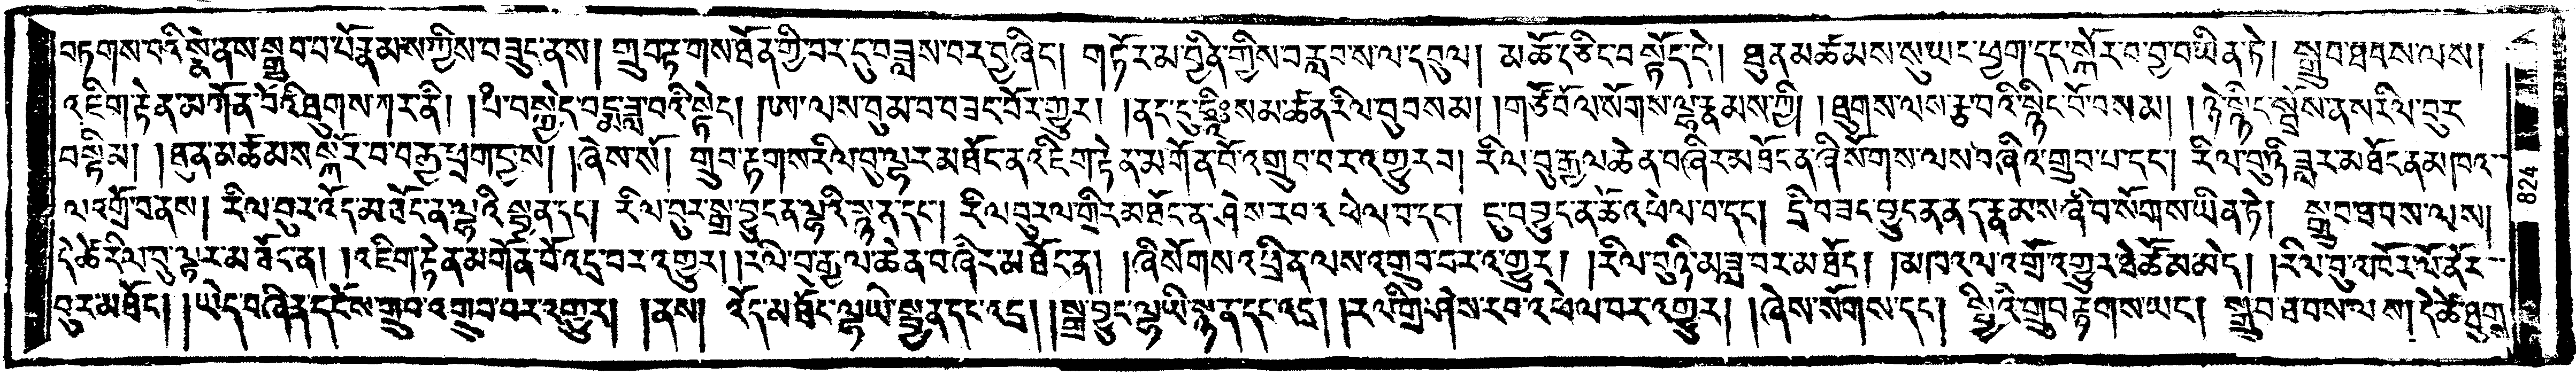བཏགས་བའི་སྣེ་ནས་སྒྲུབ་པ་པོ་རྣམས་ཀྱིས་བཟུང་ནས། གྲུབ་རྟགས་ཐོན་གྱི་བར་དུ་བཟླས་པར་བྱ་ཞིང་། གཏོར་མ་བྱིན་གྱིས་བརླབས་ལ་དབུལ། །མཆོད་ཅིང་བསྟོད་དེ། ཐུན་མཚམས་སུ་ཡང་ཕྱག་དང་སྐོར་བ་བྱ་བ་ཡིན་ཏེ། སྒྲུབ་ཐངས་ལས།
འཇིག་རྟེན་མགོན་བའི་ཐུགས་ཀར་ནི། །པཾ་བསྐྱེད་པདམ་ཟླ་བའི་སྟེང་། །ཨ་ལས་བུམ་པ་བཟང་པོར་གྱུར། །ནང་དུ་ཧྲཱི༑ ས་མཚན་རིལ་བུ་བསམ། །གཙོ་བོ་ལ་སོགས་ལྷ་རྣམས་ཀྱི། །ཐུགས་ལས་རྩ་བའི་སྙིང་པོ་བསམ། །ཉེ་སྙིང་སྦྲོས་ནས་རིལ་བུར་
བསྟིམ། །ཐུན་མཚམས་སྐོར་བ་བརྒྱ་ཕྲག་བྱས། །ཞེས་སོ། གྲུབ་རྟགས་རིལ་བུ་ལྟར་མཐོང་ན་འཇིག་རྟེན་མགོན་པོ་འགྲུབ་བར་འགྱུར་བ། རིལ་བུ་རྒྱལ་ཆེན་བཞིར་མཐོང་ན་ཞི་སོགས་ལས་བཞི་འགྲུབ་པ་དང་། རིལ་བུ་ཉི་ཟླར་མཐོང་ན་མཁའ་
ལ་འགྲོ་བ་ནས། རིལ་བུར་འོད་མཐོང་ན་ལྷའི་སྤྱན་དང་། རིལ་བུར་རལ་སྒྲ་བྱུང་ན་ལྷའི་སྙན་དང་། རིལ་བུ་རྒྱལ་ཆེན་བཞིར་མཐོང་ན་ཤེས་རབ་འཕེལ་བ་དང་། དུ་འབྱུང་ན་ཆོ་འཕེལ་བ་དང་། དྲི་བཟང་བྱུང་ན་ནད་རྣམས་ཞི་བ་སོགས་ཡིན་ཏེ། སྒྲུབ་ཐབས་ལས།
དེ་ཚེ་རིལ་བུ་ལྟར་མཐོང་ན། །འཇིག་རྟེན་མགོན་པོ་འདྲ་བར་འགྱུར། །རིལ་བུ་རྒྱལ་མཚན་བཞིར་མཐོང་ན། །ཞི་སོགས་འཕྲིན་ལས་འགྲུབ་བར་འགྱུར། །རིལ་བུ་ཉི་མ་ཟླ་བར་མཐོང་། །མཁའ་ལ་འགྲོ་འགྱུར་ཐེ་ཚོམ་མེད། །རིལ་བུ་འཁོར་ལོ་ནོར་
བུར་མཐོང་། །ཡིད་བཞིན་དངོས་གྲུབ་འགྲུབ་པར་འགྱུར། །ནས། འོད་མཐོང་ལྷ་ཡི་སྤྱན་དང་འདྲ། །སྒྲ་བྱུང་ལྟ་ཡི་སྙན་དང་འདྲ། །རལ་གྲི་ཤེས་རབ་འཕེལ་བར་འགྱུར། །ཞེས་སོགས་དང་། སྤྱིའི་གྲུབ་རྟགས་ཡང་། སྒྲུབ་ཐབས་ལས། དེ་ཚེ་ཐུགས་